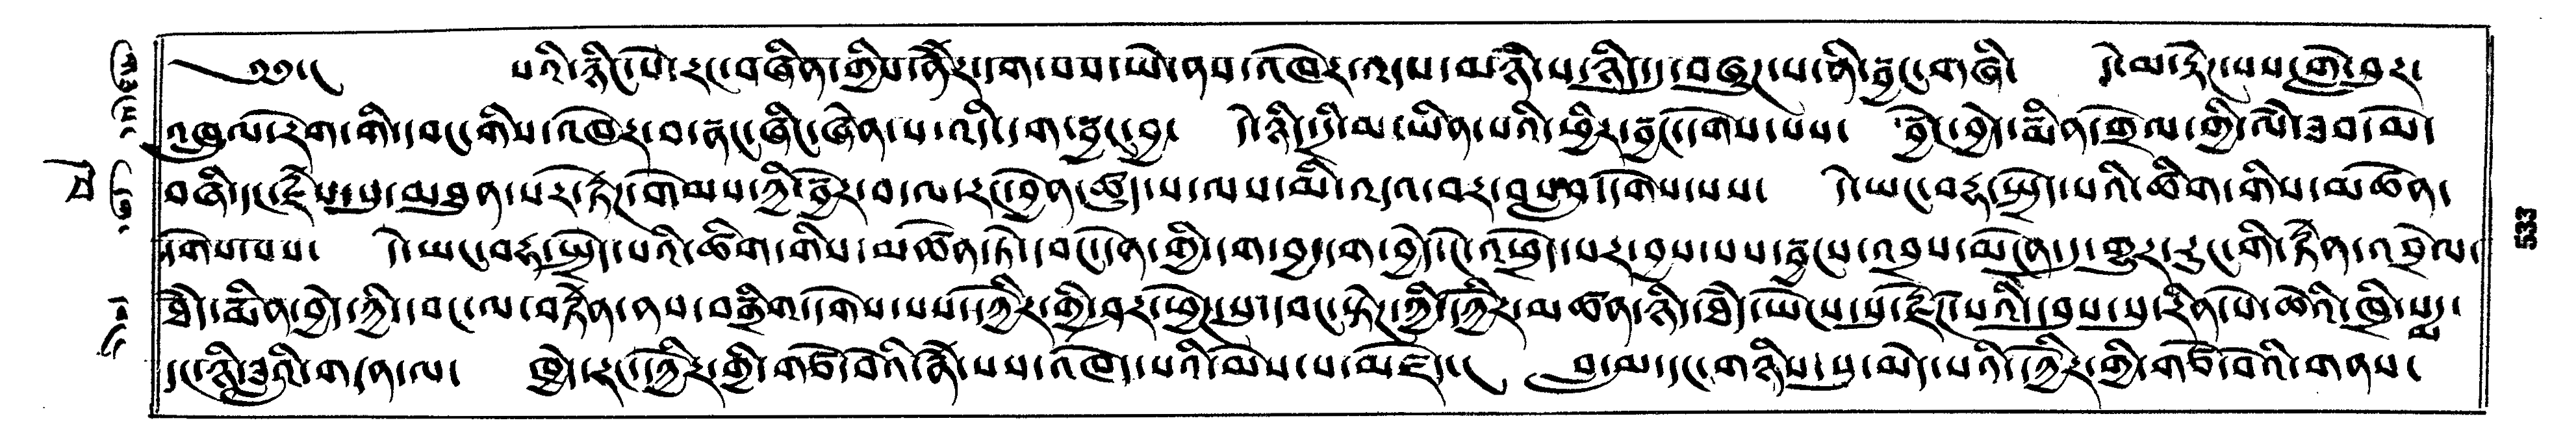པའི་སྙིང་པོ་རང་བཞིན་གྱིས་རྣམ་པར་དག་པས་ཡེ་ནས་འཁོར་འདས་མཉམ་པ་ཉིད་དུ་བཞུགས་པ་ནི་སྦྱང་གཞི།དེ་མ་རྟོགས་པས་གློ་བུར་
འཁྲུལ་རྟོག་གི་དབང་གིས་འཁོར་བ་སྣང་ཞིང་ཞེན་པ་འདི་དག་སྦྱང་བྱ། དེ་ཉིད་དྲི་མ་ཡིན་པའི་ཕྱིར་སྦྱང་དགོས་པས། སྦྱོང་བྱེད་སྨིན་གྲོལ་གྱི་ལམ་ཟབ་མོ་
བཞི་དང་རྗེས་སུ་མཐུན་པར་རྟོགས་གོམས་ཀྱི་སྦྱོར་བ་ལ་རང་བྱོན་ཚུད་པ་ལས་མི་འདའ་བར་བསླབ་དགོས་པས། དེ་ཡང་བརྡ་སྤྲོད་པའི་ཚིག་གིས་མཚོན་
དགོས་པས། དེ་ཡང་བརྡ་སྤྲོད་པའི་ཚིག་གིས་མཚོན་ཏེ་དབང་དོན་གྱི་དག་བྱ་དག་བྱེད་ངོ་འཕྲོད་པར་བྱས་པས་སྦྱངས་འབྲས་མངོན་དུ་འགྱུར་རུང་གི་རྟེན་འབྲེལ་
ཐམས་ཅད་སྨིན་བྱེད་ཀྱི་དབང་ལ་བརྟེན་ནས་བསྒྲིག་དགོས་པས་དཀྱིལ་འཁོར་གྱི་ཤར་ཕྱོགས་སུ་དབང་སྟེགས་ཀྱི་དཀྱིལ་འཁོར་མཚན་ཉིད་ཐམས་ཅད་ཡོངས་སུ་རྫོགས་པའི་དབུས་སུ་རིན་པོ་ཆེའི་ཁྲི་པདྨ་
དང་ཉི་ཟླའི་གདན་ལ། ཁྱེད་རང་དཀྱིལ་འཁོར་གྱི་གཙོ་བོའི་རྣམ་པས་འཁོད་པའི་མོས་པ་མཛོད། བླ་མ་དང་གཉིས་སུ་མེད་པའི་དཀྱིལ་འཁོར་གྱི་གཙོ་བོའི་གནས་